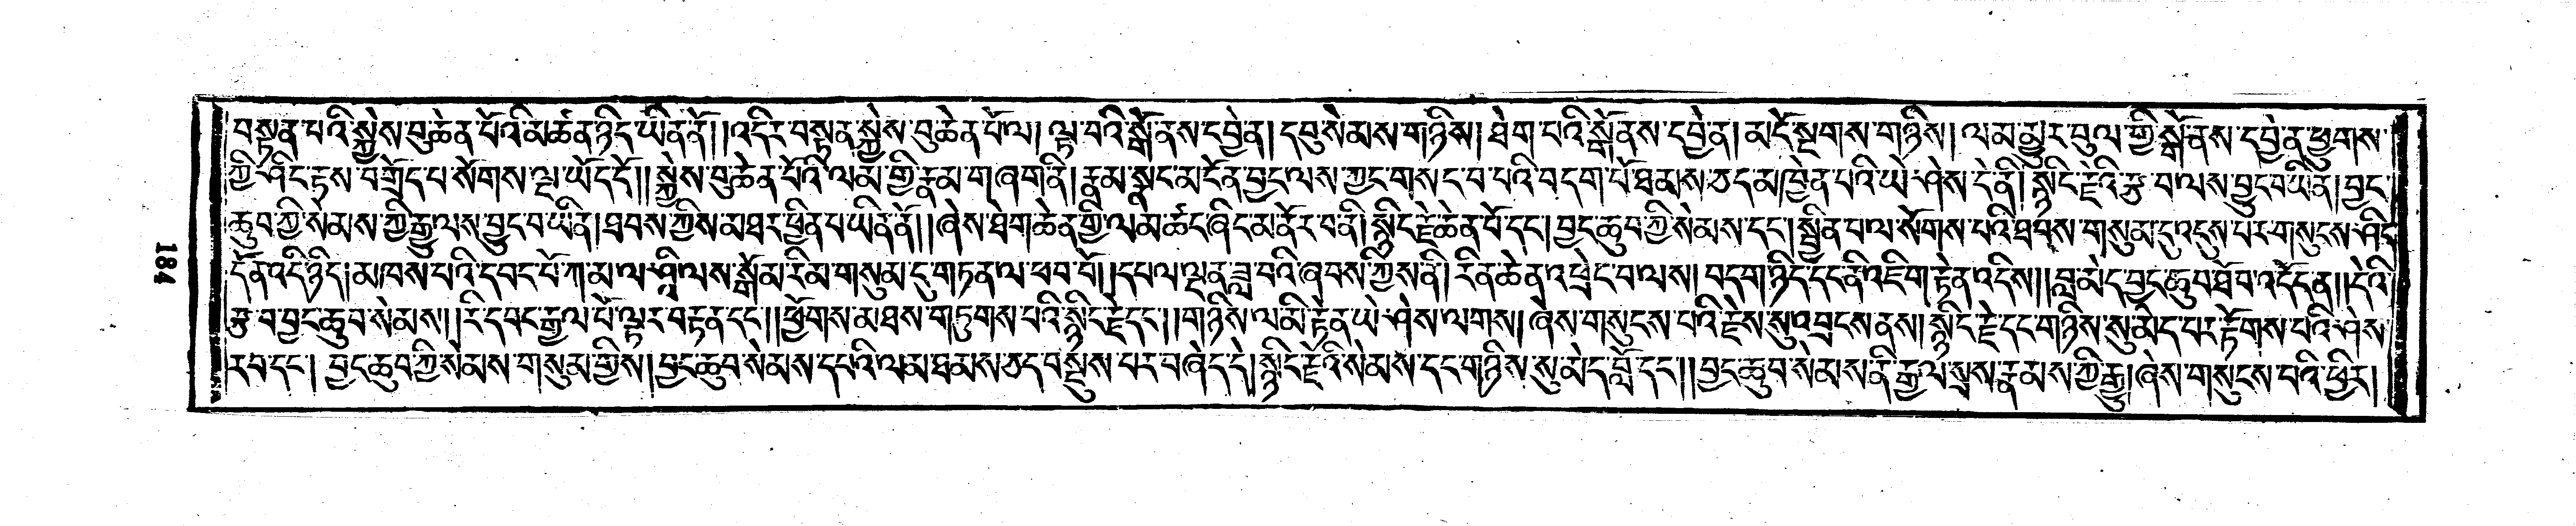བསྟན་པའི་སྐྱེས་བུ་ཆེན་པོའི་མཚན་ཉིད་ཡིན་ནོ། །འདིར་བསྟན་སྐྱེས་བུ་ཆེན་པོ་ལ། ལྟ་བའི་སྒོ་ནས་དབྱེ་ན༑ དབུ་སེམས་གཉིས། ཐེག་པའི་སྒོ་ནས་དབྱེ་ན། མདོ་སྔགས་གཉིས། ལམ་མྱུར་བུལ་གྱི་སྒོ་ནས་དབྱེ་ན་ཕྱུགས་
ཀྱི་ཤིང་རྟས་བགྲོད་པ་སོགས་ལྔ་ཡོད་དོ། །སྐྱེས་བུ་ཆེན་པོའི་ལམ་གྱི་རྣམ་གཞག་ནི། རྣམ་སྣང་མངོན་བྱང་ལས་ཀྱང་གསང་བ་པའི་བདག་པོ་ཐམས་ཅད་མཁྱེན་པའི་ཡེ་ཤེས་དེ་ནི། སྙིང་རྗེའི་རྩ་བ་ལས་བྱུང་བ་ཡིན། བྱང་
ཆུབ་ཀྱི་སེམས་ཀྱི་རྒྱུ་ལས་བྱུང་བ་ཡིན། ཐབས་ཀྱིས་མཐར་ཕྱིན་པ་ཡིན་ནོ། །ཞེས་ཐེག་ཆེན་གྱི་ལམ་ཚང་ཞིང་མ་ནོར་བ་ནི། སྙིང་རྗེ་ཆེན་པོ་དང་། བྱང་ཆུབ་ཀྱི་སེམས་དང་། སྦྱིན་པ་ལ་སོགས་པའི་ཐབས་གསུམ་དུ་འདུས་པར་གསུངས་ཤིང་
དོན་འདི་ཉིད། མཁས་པའི་དབང་པོ་ཀ་མ་ལ་ཤཱི་ལས་སྒོམ་རིམ་གསུམ་དུ་གཏན་ལ་ཕབ་བོ། །དཔལ་ལྡན་ཟླ་བའི་ཞབས་ཀྱིས་ནི། རིན་ཆེན་འཕྲེང་བ་ལས། བདག་ཉིད་དང་ནི་འཇིག་རྟེན་འདིས། །བླ་མེད་བྱང་ཆུབ་ཐོབ་འདོད་ན། །དེའི་
རྩ་བ་བྱང་ཆུབ་སེམས། །རི་དབང་རྒྱལ་པོ་ལྟར་བརྟན་དང་། །ཕྱོགས་མཐས་གཏུགས་པའི་སྙིང་རྗེ་དང་། །གཉིས་ལ་མི་རྟེན་ཡེ་ཤེས་ལགས། ཞེས་གསུངས་པའི་རྗེས་སུ་འབྲངས་ནས། སྙིང་རྗེ་དང་གཉིས་སུ་མེད་པར་རྟོགས་པའི་ཤེས་
རབ་དང་། བྱང་ཆུབ་ཀྱི་སེམས་གསུམ་གྱིས། བྱང་ཆུབ་སེམས་དཔའི་ལམ་ཐམས་ཅད་བསྡུས་པར་བཞེད་དེ། སྙིང་རྗེའི་སེམས་དང་གཉིས་སུ་མེད་བློ་དང་། །བྱང་ཆུབ་སེམས་ནི་རྒྱལ་སྲས་རྣམས་ཀྱི་རྒྱུ། ཞེས་གསུངས་པའི་ཕྱིར།